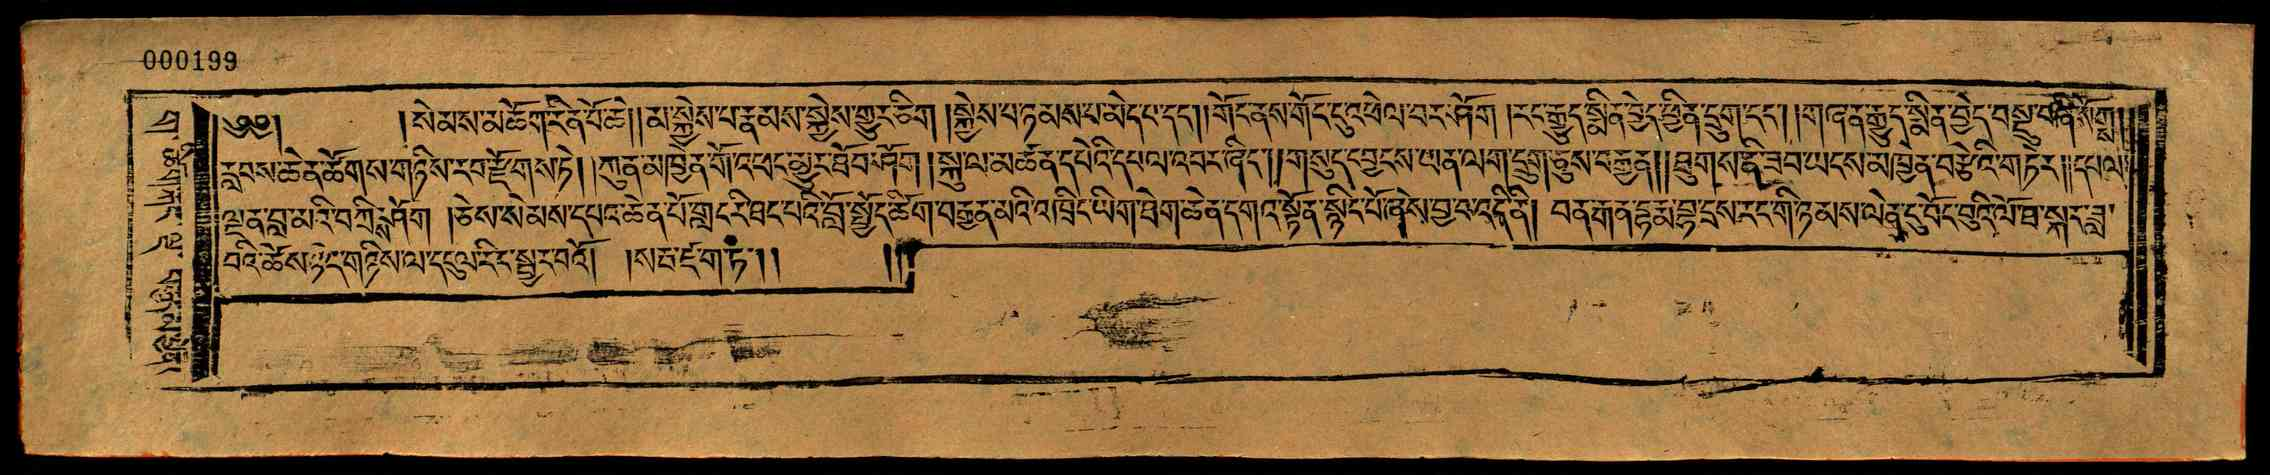༄༅། །སེམས་མཆོག་རིན་པོ་ཆེ། །མ་སྐྱེས་པ་རྣམས་སྐྱེས་གྱུར་ཅིག །སྐྱེས་པ་ཉམས་པ་མེད་པ་དང་། །གོང་ནས་གོང་དུ་འཕེལ་བར་ཤོག །རང་རྒྱུད་སྨིན་བྱེད་ཕྱིན་དྲུག་དང་། །གཞན་རྒྱུད་སྨིན་བྱེད་བསྡུ་བཞི་སོགས།
རླབས་ཆེན་ཚོགས་གཉིས་རབ་རྫོགས་ཏེ། །ཀུན་མཁྱེན་གོ་འཕང་མྱུར་ཐོབ་ཤོག །སྐུ་ལ་མཚན་དཔེའི་དཔལ་འབར་ཞིང་། །གསུང་དབྱངས་ཡན་ལག་དྲུག་ཅུས་བརྒྱན། །ཐུགས་ནི་ཟབ་ཡངས་མཁྱེན་བརྩེའི་གཏེར། །དཔལ་
ལྡན་བླ་མའི་བཀྲི་ཤོག །ཅེས་སེམས་དཔའ་ཆེན་པོ་གླང་རི་ཐང་པའི་བློ་སྦྱོང་ཚིག་བརྒྱད་མའི་འཁྲིད་ཡིག་ཐེག་ཆེན་དགའ་སྟོན་སྙིང་པོ་ཞེས་བྱ་བ་འདི་ནི། བན་རྒན་དྷརྨ་བྷ་དྲས་རང་གི་ཉམས་ལེན་དུ་བོང་བུའི་ལོ་ཐ་སྐར་ཟླ་
བའི་ཚེས་ཉེར་གཉིས་ལ་དངུལ་རིར་སྦྱར་བའོ། །སརྦ་ཛ་ག་ཏཾ།། །།